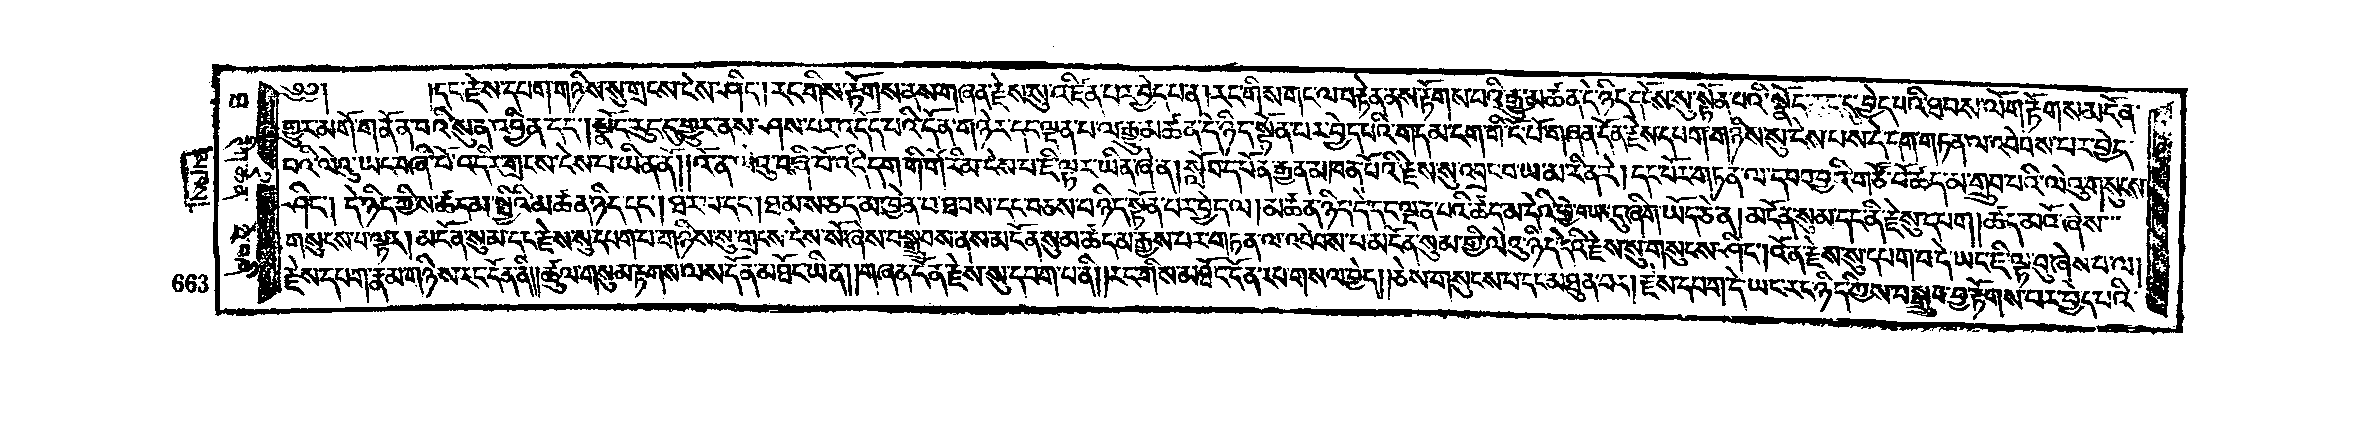༄༅། །དང་རྗེས་དཔག་གཉིས་སུ་གྲངས་ངེས་ཤིང་། རང་གིས་རྟོགས་ནས་གཞན་རྗེས་སུ་འཛིན་པར་བྱེད་པ་ན། རང་གིས་གང་ལ་བརྟེན་ནས་རྟོགས་པའི་རྒྱུ་མཚན་དེ་ཉིད་དངོས་སུ་སྟོན་པའི་སྣོད་རུང་དུ་བྱེད་པའི་ཐབས་ལོག་རྟོགས་མངོན་
གྱུར་མགོ་གནོན་པའི་སུན་འབྱིན་དང་། སྣོད་རུང་དུ་གྱུར་ནས་ཤས་པར་འདོད་པའི་དོན་གཉེར་དང་ལྡན་པ་ལ་རྒྱུ་མཚན་དེ་ཉིད་སྟོན་པར་བྱེད་པའི་གདམ་ངག་གི་ངོ་བོ་གཞན་དོན་རྗེས་དཔག་གཉིས་སུ་ངེས་པས་དེ་དག་གཏན་ལ་འབེབས་པར་བྱེད་
པའི་ལེའུ་ཡང་བཞི་པོ་འདིར་གྲངས་ངེས་པ་ཡིན་ནོ། །འོ་ན་ལེའུ་བཞི་པོ་འདི་དག་གི་གོ་རིམ་ངེས་པ་ཇི་ལྟར་ཡིན་ཞེ་ན། སློབ་དཔོན་རྒྱན་མཁན་པོའི་རྗེས་སུ་འབྲང་བ་ཡམ་རིན་རེ། དང་པོར་གཏན་ལ་དབབ་བྱའི་གཙོ་ཚད་མ་གྲུབ་པའི་ལེའུ་གསུངས་
ཤིང༑ དེ་ཉིད་ཀྱིས་ཚད་མ་སྤྱིའི་མཚན་ཉིད་དང་། ཐར་པ་དང་། ཐམས་ཅད་མཁྱེན་པ་ཐབས་དང་བཅས་པ་ཉིད་སྟོན་པར་བྱེད་ལ། མཚན་ཉིད་དེ་དག་དང་ལྡན་པའི་ཚད་མ་དེའི་དབྱེ་བ་ཡང་དུ་ཞིག་ཡོད་ཅེ་ན། མངོན་སུམ་དང་ནི་རྗེས་སུ་དཔག །ཚད་མའོ་ཞེས་
གསུངས་པ་ལྟར། མངོན་སུམ་དང་རྗེས་སུ་དཔག་པ་གཉིས་སུ་གྲངས་ངེས་སོ་ཞེས་བསྒྲུབས་ནས་མངོན་སུམ་ཚད་མ་རྒྱས་པར་གཏན་ལ་འབེབས་པ་མངོན་སུམ་གྱི་ལེའུ་ཉིད་དེའི་རྗེས་སུ་གསུངས་ཤིང་། འོ་ན། རྗེས་སུ་དཔག་པ་དེ་ཡང་ཇི་ལྟ་བུ་ཞེས་པ་ལ།
རྗེས་དཔག་རྣམ་གཉིས་རང་དོན་ནི། །ཚུལ་གསུམ་རྟགས་ལས་དོན་མཐོང་ཡིན། །གཞན་དོན་རྗེས་སུ་དཔག་པ་ནི། །རང་གིས་མཐོང་དོན་རབ་གསལ་བྱེད། །ཅེས་གསུངས་པ་དང་མཐུན་པར། རྗེས་དཔག་དེ་ཡང་རང་ཉིད་ཀྱིས་བསྒྲུབ་བྱ་རྟོགས་པར་བྱེད་པའི་